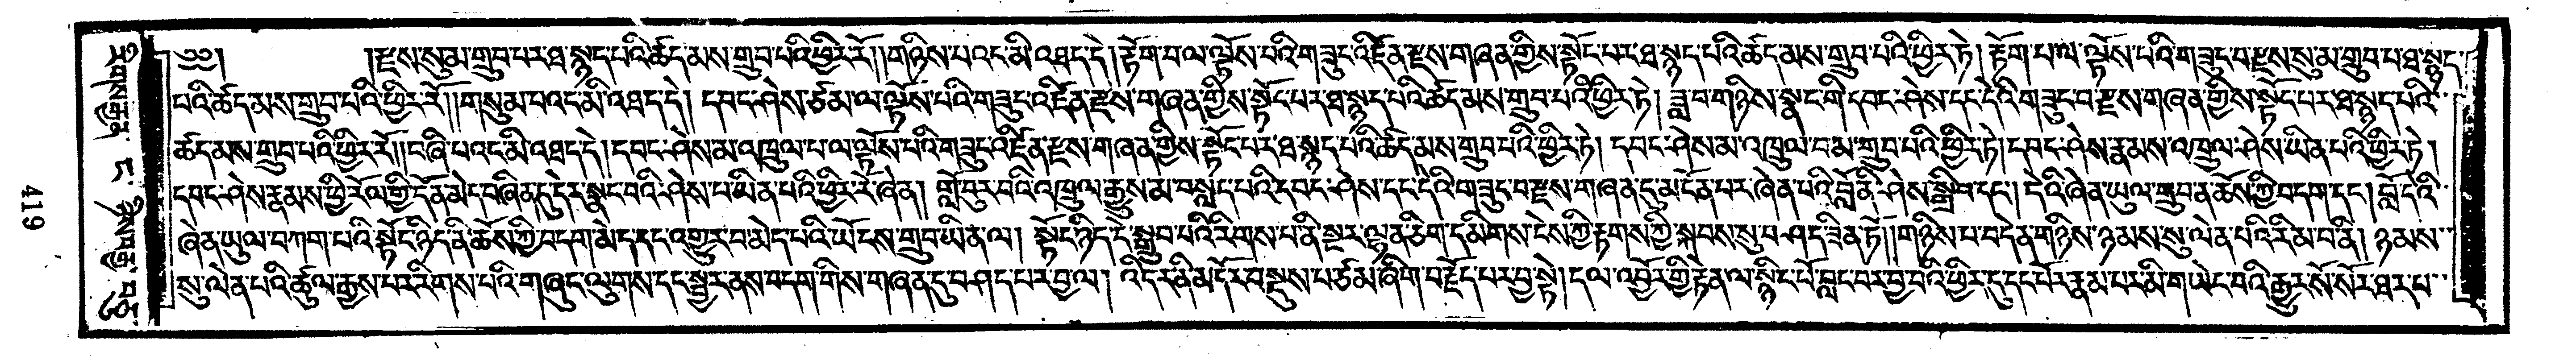༄༅། །རྫས་སུ་མ་གྲུབ་པར་ཐ་སྙད་པའི་ཚད་མས་གྲུབ་པའི་ཕྱིར་རོ། །གཉིས་པའང་མི་འཐད་དེ། རྟོག་པ་ལ་ལྟོས་པའི་གཟུང་འཛིན་རྫས་གཞན་གྱིས་སྟོང་པར་ཐ་སྙད་པའི་ཚད་མས་གྲུབ་པའི་ཕྱིར་ཏེ། རྟོག་པ་ལ་ལྟོས་པའི་གཟུང་བ་རྫས་སུ་མ་གྲུབ་པ་ཐ་སྙད་
པའི་ཚད་མས་གྲུབ་པའི་ཕྱིར་རོ། །གསུམ་པའང་མི་འཐད་དེ། དབང་ཤེས་ཙམ་ལ་ལྟོས་པའི་གཟུང་འཛིན་རྫས་གཞན་གྱིས་སྟོང་པར་ཐ་སྙད་པའི་ཚད་མས་གྲུབ་པའི་ཕྱིར་ཏེ། ཟླ་བ་གཉིས་སྣང་གི་དབང་ཤེས་དང་དེའི་གཟུང་བ་རྫས་གཞན་གྱིས་སྟོང་པར་ཐ་སྙད་པའི་
ཚད་མས་གྲུབ་པའི་ཕྱིར་རོ། །བཞི་པའང་མི་འཐད་དེ། དབང་ཤེས་མ་འཁྲུལ་པ་ལ་ལྟོས་པའི་གཟུང་འཛིན་རྫས་གཞན་གྱིས་སྟོང་པར་ཐ་སྙད་པའི་ཚད་མས་གྲུབ་པའི་ཕྱིར་ཏེ། དབང་ཤེས་མ་འཁྲུལ་བ་མ་གྲུབ་པའི་ཕྱིར་ཏེ། དབང་ཤེས་རྣམས་འཁྲུལ་ཤེས་ཡིན་པའི་ཕྱིར་ཏེ།
དབང་ཤེས་རྣམས་ཕྱི་རོལ་གྱི་དོན་མེད་བཞིན་དུ་དེར་སྣང་བའི་ཤེས་པ་ཡིན་པའི་ཕྱིར་རོ་ཞེ་ན། གློ་བུར་བའི་འཁྲུལ་རྒྱུས་མ་བསླད་པའི་དབང་ཤེས་དང་དེའི་གཟུང་བ་རྫས་གཞན་དུ་མངོན་པར་ཞེན་པའི་བློ་ནི་ཤེས་སྒྲིབ་དང་། དེའི་ཞེན་ཡུལ་གྲུབ་ན་ཆོས་ཀྱི་བདག་དང་། བློ་དེའི་
ཞེན་ཡུལ་བཀག་པའི་སྟོང་ཉིད་ནི་ཆོས་ཀྱི་བདག་མེད་དང་འགྱུར་བ་མེད་པའི་ཡོངས་གྲུབ་ཡིན་ལ། སྟོང་ཉིད་དེ་སྒྲུབ་པའི་རིགས་པ་ནི་སྔར་ལྷན་ཅིག་དམིགས་ངེས་ཀྱི་རྟགས་ཀྱི་སྐབས་སུ་བཤད་ཟིན་ཏོ། །གཉིས་པ་བདེན་གཉིས་ཉམས་སུ་ལེན་པའི་རིམ་པ་ནི། ཉམས་
སུ་ལེན་པའི་ཚུལ་རྒྱས་པར་རིགས་པའི་གཞུང་ལུགས་དང་སྦྱར་ནས་བདག་གིས་གཞན་དུ་བཤད་པར་བྱ་ལ། འདིར་ནི་མདོར་བསྡུས་པ་ཙམ་ཞིག་བརྗོད་པར་བྱ་སྟེ། དལ་འབྱོར་གྱི་རྟེན་ལ་སྙིང་པོ་བླང་བར་བྱ་བའི་ཕྱིར་དུ་དང་པོར་རྣམ་པར་མི་གཡེང་བའི་རྒྱུར་སོ་སོར་ཐར་པ་